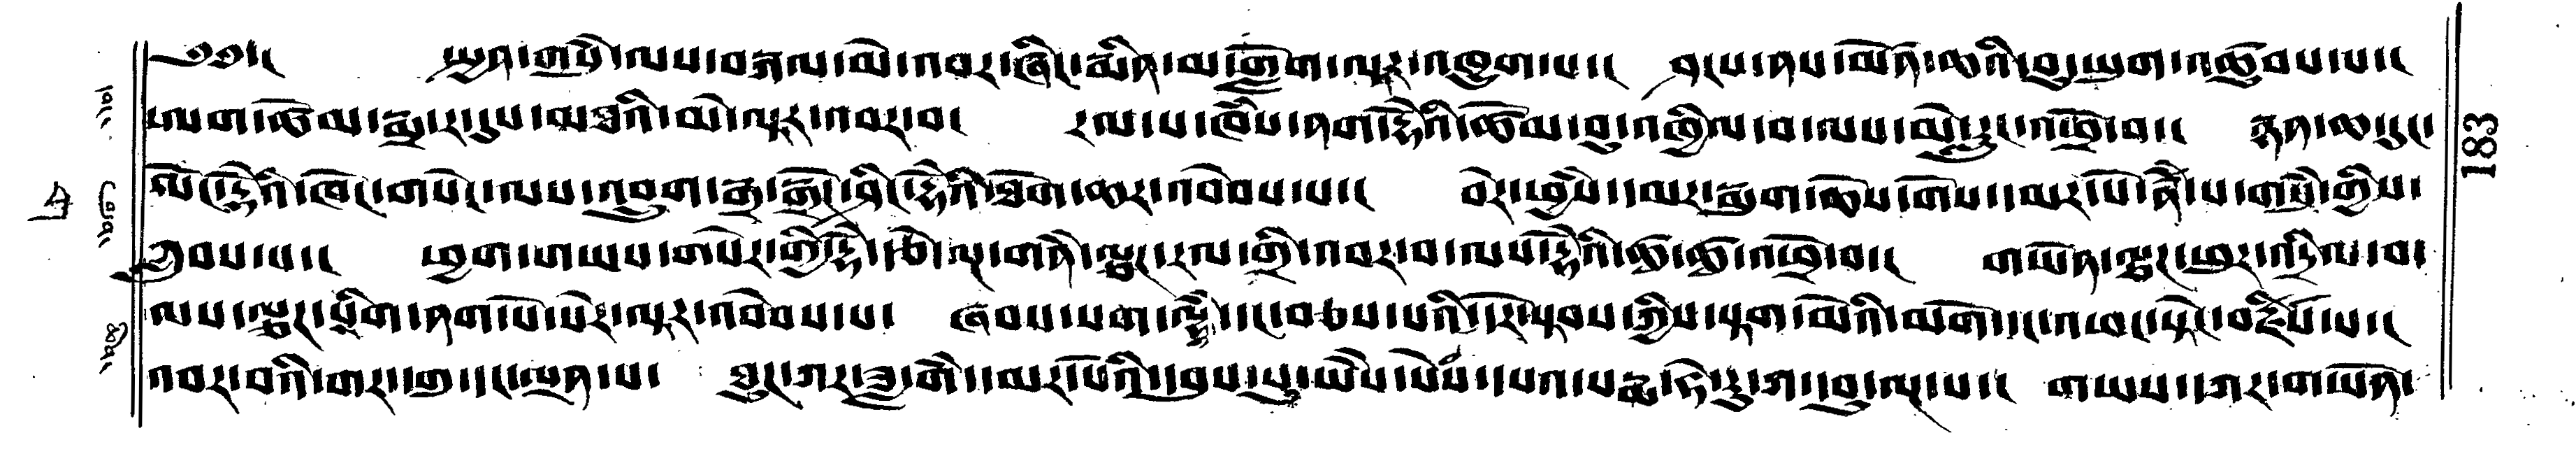སྤྱན་གསུམ་ལས་བསྐལ་མེ་འབར་ཞིང་སྨིན་མ་གློག་ལྟར་འཁྱུག་པ། ཤངས་ནས་མཚོན་ཆའི་བུ་ཡུག་འཚུབ་པ་
ཨག་ཚོམ་སྨ་ར་དུས་མཐའི་མེ་ལྟར་འབར་བ། རལ་པ་ཁམ་ནག་རྡོ་རྗེའི་ཚོམ་བུར་འཁྱིལ་བ་ལས་མེ་རླུང་འཕྲོ་བ། སྙན་ཆ་དང་དུང་
ལོང་རྡོ་རྗེའི་ཁོང་གསེང་ལས་འབྲུག་སྒྲ་སྒྲོག་ཅིང་རྡོ་རྗེའི་ཐོག་ཆར་འབེབས་པ། བེར་ཕྱམས་དམར་སྨུག་ཆོས་གོས་དམར་པོ་རྣམ་པ་གསུམ་གྱིས་
བཀླུབས་པ། ཕྱག་གཡས་གསེར་གྱི་རྡོ་རྗེ་རྩེ་ལྔ་གནམ་ལྕགས་རལ་གྲི་འབར་བ་ལས་རྡོ་རྗེའི་ཚྭ་ཚྭ་འཕྲོ་བ། གཡོན་ལྕགས་ཕུར་འདྲིལ་བ་
ལས་ལྕགས་སྡིག་ནག་པོ་སེར་ལྟར་འབེབས་པ། ཞབས་སག་ལྷམ་དང་བཅས་པའི་འདོར་སྟབས་ཀྱིས་སྟག་མོའི་མགོ་དང་འཕང་སྟེང་བརྫིས་པ་
འབར་བའི་གར་དགུ་དང་ལྡན་པ། ཐུགས་ཀར་ཟླ་གམ་དམར་པོའི་དབུས་སུ་ཡེ་ཤེས་སེམས་དཔའ་པདྨ་ཧེ་རུ་ཀ་དབུ་ལྔ་པ་གཡས་དཀར་གཡོན་